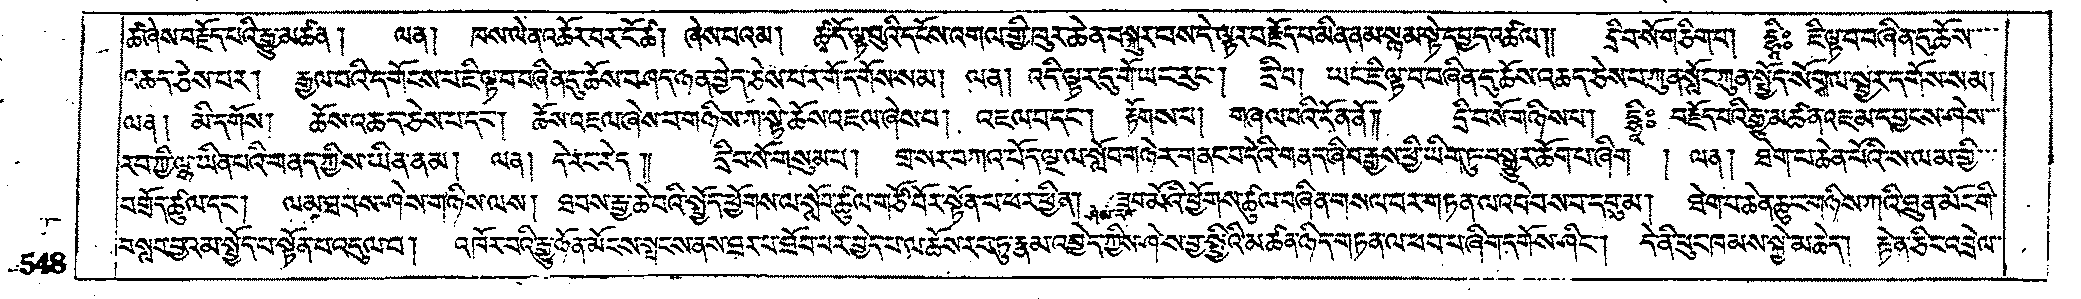ཚ་ཞེས་བརྗོད་པའི་རྒྱུ་མཚན། ལན། ཁས་ལེན་འཆོར་བར་ངོ་ཚ། ཞེས་པའམ། ཚྭ་དོ་ལྟ་བུའི་དངོས་འགལ་གྱི་ཁུར་ཆེན་བསྐུར་བས་དེ་ལྟར་བརྗོད་པ་མིན་ནམ་སྙམ་སྟེ་དཔྱད་འཚལ།། དྲི་བ་སོ་གཅིག་པ། དྷཱིཿ ཇི་ལྟ་བ་བཞིན་དུ་ཆོས་་་
འཆད་ཅེས་པར། རྒྱལ་བའི་དགོངས་པ་ཇི་ལྟ་བ་བཞིན་དུ་ཆོས་བཤད་ཉན་བྱེད་ཅེས་པར་གོ་དགོས་སམ། ལན། འདི་ལྟར་དུ་གོ་ཡང་རུང་། དྲི་བ། ཡང་ཇི་ལྟ་བ་བཞིན་དུ་ཆོས་འཆད་ཅེས་པ་ཀུན་སློང་ཀུན་སྤྱོད་སོགས་ལ་སྦྱར་དགོས་སམ།
ལན། མི་དགོས། ཆོས་འཆད་ཅེས་པ་དང་། ཆོས་འཇལ་ཞེས་པ་གཉིས་ཀ་སྟེ་ཆོས་འཇལ་ཞེས་པ། འཇལ་བ་དང་། རྟོགས་པ། གཞལ་བའི་དོན་ནོ།། དྲི་བ་སོ་གཉིས་པ། དྷཱིཿ བརྗོད་པའི་རྒྱུ་མཚན་འཇམ་དབྱངས་ཤེས་་་
རབ་ཀྱི་ལྷ་ཡིན་པའི་གནད་ཀྱིས་ཡིན་ནམ། ལན། དེ་རང་རེད།། དྲི་བ་སོ་གསུམ་པ། གྲ་སར་བཀའ་པོད་ལྔ་ལ་སློབ་གཉེར་གནང་བ་དེའི་གནད་ཞིབ་རྒྱས་ཕྱི་ཡིག་ཏུ་བསྒྱུར་ཆོག་པ་ཞིག ། ལན། ཐེག་པ་ཆེན་པོའི་ས་ལམ་གྱི་་་
བགྲོད་ཚུལ་དང་། ལམ་ཐབས་ཤེས་གཉིས་ལས། ཐབས་རྒྱ་ཆེ་བའི་སྤྱོད་ཕྱོགས་ལ་སློབ་ཚུལ་གཙོ་བོར་སྟོན་པ་ཕར་ཕྱིན། ཤེས་རབ་ཟབ་མོའི་ཕྱོགས་ཚུལ་བཞིན་གསལ་བར་གཏན་ལ་འབེབས་པ་དབུ་མ། ཐེག་པ་ཆེན་ཆུང་གཉིས་ཀའི་ཐུན་མོང་གི་
བསླབ་བྱའམ་སྤྱོད་པ་སྟོན་པ་འདུལ་བ། འཁོར་བའི་རྒྱུ་ཉོན་མོངས་སྤངས་ནས་ཐར་པ་ཐོབ་པར་བྱེད་པ་ལ་ཆོས་རབ་ཏུ་རྣམ་འབྱེད་ཀྱིས་ཤེས་བྱ་སྤྱིའི་མཚན་ཉིད་གཏན་ལ་ཕབ་པ་ཞིག་དགོས་ཤིང་། དེ་ནི་ཕུང་ཁམས་སྐྱེ་མཆེད། རྟེན་ཅིང་འབྲེལ་་་